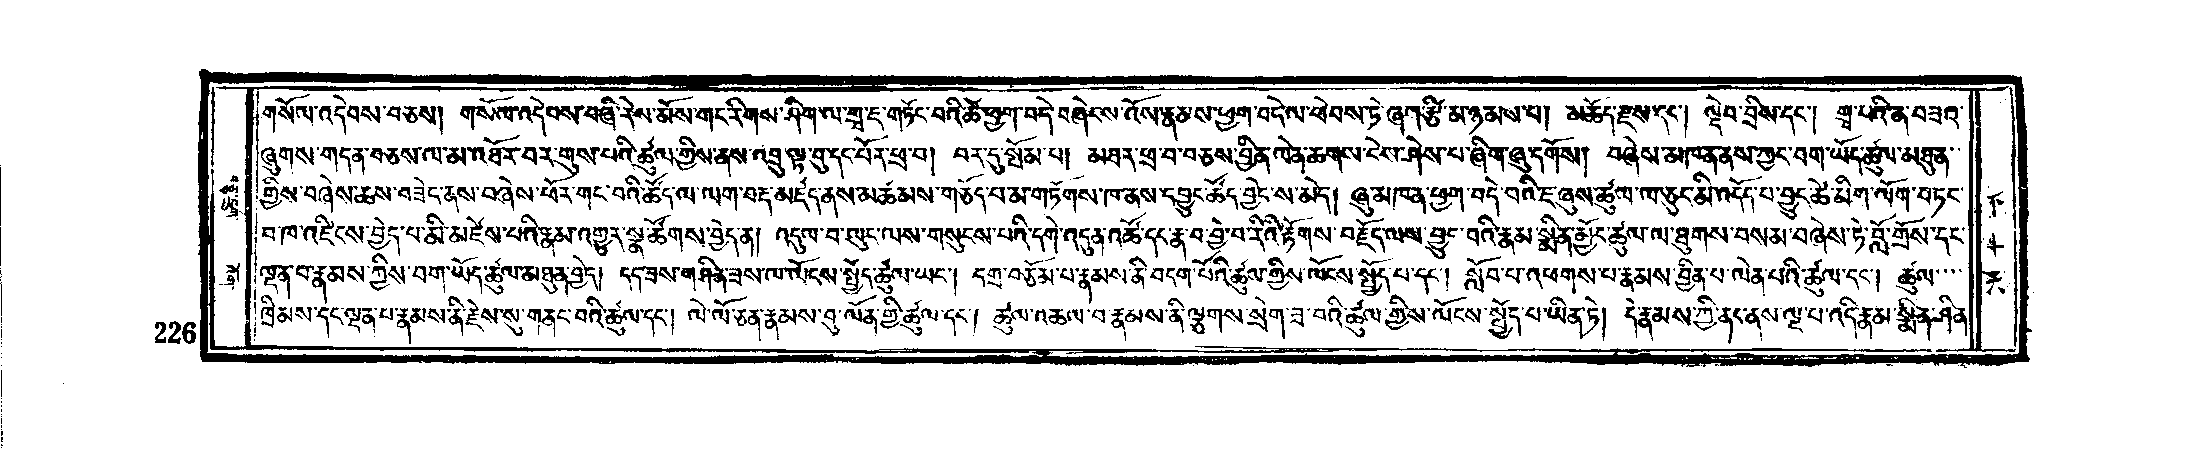གསོལ་འདེབས་བཅས། གསོལ་འདེབས་བཞི་རེས་མོས་གང་རིགས་ཤིག་ལ་གྲྭ་ཇ་གཏོང་བའི་ཚེ་ཕྱག་བདེ་བཞེངས་འོས་རྣམས་ཕྱག་བདེ་ལ་ཕེབས་ཏེ་ཞག་རྩི་མ་ཉམས་པ། མཆོད་རྫས་དང་། ལྡེབ་བྲིས་དང་། གྲྭ་པའི་ན་བཟའ་
ཞུགས་གདན་བཅས་ལ་མ་འཐོར་བར་གུས་པའི་ཚུལ་གྱིས་ནས་འབྲུ་ལྟ་བུ་དང་པོར་ཕྲ་བ། བར་དུ་སྤོམ་པ། མཐར་ཕྲ་བ་བཅས་བྱིན་ལེན་ཆགས་ངེས་ཤེས་པ་ཞིག་ཞུ་དགོས། བཞེས་མཁན་ནས་ཀྱང་བག་ཡོད་ཚུལ་མཐུན་
གྱིས་བཞེས་ཆས་བཟེད་ནས་བཞེས་ཕོར་གང་བའི་ཚོད་ལ་ལག་བརྡ་མཛད་ནས་མཚམས་གཅོད་པ་མ་གཏོགས་ཁ་ནས་དབྱུང་ཚོད་བྱེད་ས་མེད། ཞུ་མཁན་ཕྱག་བདེ་བའི་ཇ་ཞུས་ཚུལ་ལ་ཅུང་མི་འདོད་པ་བྱུང་ཚེ་མིག་ལོག་བཏང་
བ་ཁ་འཛིངས་བྱེད་པ་མི་མཛེས་པའི་རྣམ་འགྱུར་སྣ་ཚོགས་བྱེད་ན། འདུལ་བ་ལུང་ལས་གསུངས་པའི་དགེ་འདུན་འཚོ་དང་རྣ་བ་བྱེ་བ་རིའི་རྟོགས་བརྗོད་ལས་བྱུང་བའི་རྣམ་སྨིན་མྱོང་ཚུལ་ལ་ཐུགས་བསམ་བཞེས་ཏེ་བློ་གྲོས་དང་
ལྡན་པ་རྣམས་ཀྱིས་བག་ཡོད་ཚུལ་མཐུན་བྱེད། དད་ཟས་གཤིན་ཟས་ལ་ལོངས་སྤྱོད་ཚུལ་ཡང་། དགྲ་བཅོམ་པ་རྣམས་ནི་བདག་པོའི་ཚུལ་གྱིས་ལོངས་སྤྱོད་པ་དང་། སློབ་པ་འཕགས་པ་རྣམས་བྱིན་པ་ལེན་པའི་ཚུལ་དང་། ཚུལ་
ཁྲིམས་དང་ལྡན་པ་རྣམས་ནི་རྗེས་སུ་གནང་བའི་ཚུལ་དང་། ལེ་ལོ་ཅན་རྣམས་བུ་ལོན་གྱི་ཚུལ་དང་། ཚུལ་འཆལ་བ་རྣམས་ནི་ལྕགས་སྲེག་ཟ་བའི་ཚུལ་གྱིས་ལོངས་སྤྱོད་པ་ཡིན་ཏེ། དེ་རྣམས་ཀྱི་ནང་ནས་ལྔ་པ་འདི་རྣམ་སྨིན་ཤིན་